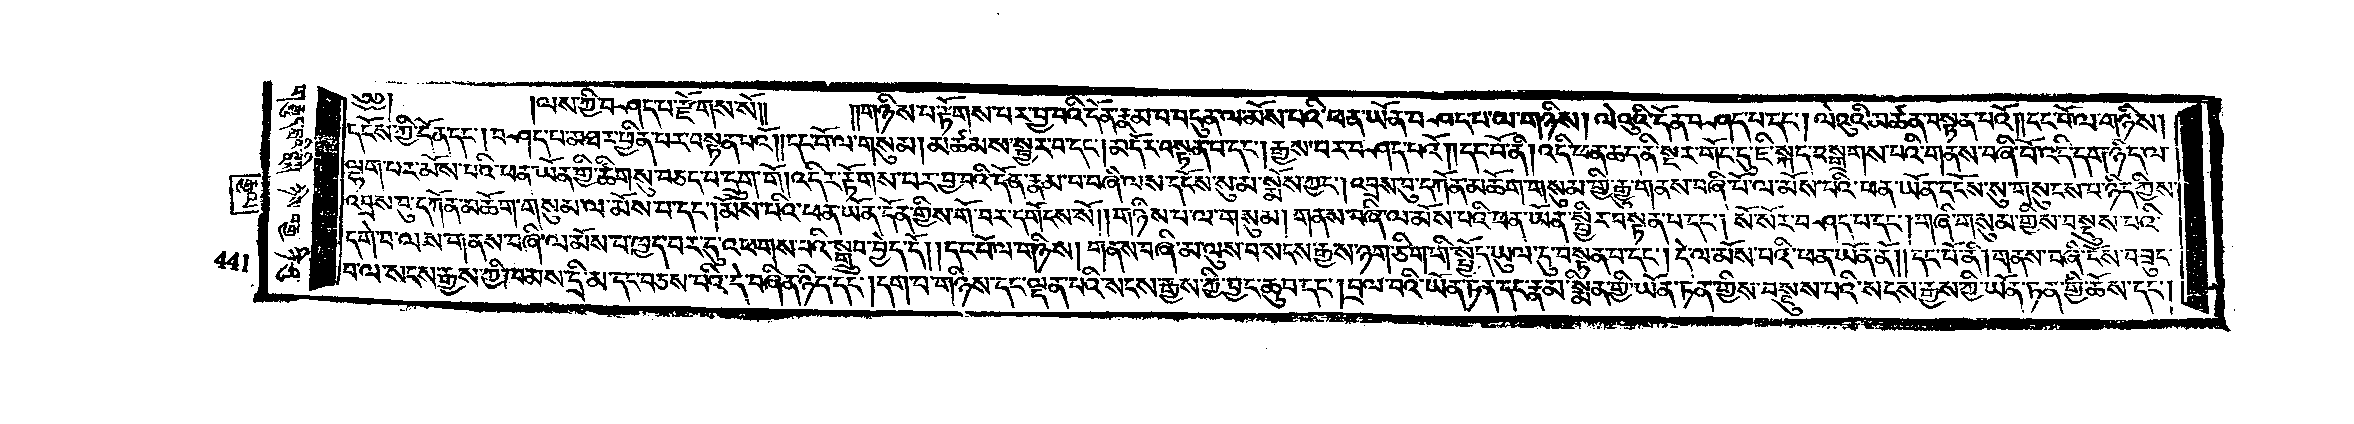༄༅། །ལས་ཀྱི་བཤད་པ་རྫོགས་སོ།། །།གཉིས་པ་རྟོགས་པར་བྱ་བའི་དོན་རྣམ་པ་བདུན་ལ་མོས་པའི་ཕན་ཡོན་བཤད་པ་ལ་གཉིས་ལེའུའི་དོན་བཤད་པ་དང་། ལེའུའི་མཚན་བསྟན་པའོ། །དང་པོ་ལ་གཉིས།
དངོས་ཀྱི་དོན་དང་། བཤད་པ་མཐར་ཕྱིན་པར་བསྟན་པའོ། །དང་པོ་ལ་གསུམ། མཚམས་སྦྱར་བ་དང་། མདོར་བསྟན་པ་དང་། རྒྱས་པར་བཤད་པའོ། །དང་པོ་ནི། འདི་ཕན་ཆད་ནི་སྔར་གོང་དུ་ཇི་སྐད་འྶྒྲགས་པའི་གནས་བཞི་པོ་འདི་དག་ཉིད་ལ་
ལྷག་པར་མོས་པའི་ཕན་ཡོན་གྱི་ཚིགས་སུ་བཅད་པ་དྲུག་གོ། འདིར་རྟོགས་པར་བྱ་བའི་དོན་རྣམ་པ་བཞི་ལས་དངོས་སུ་མ་སྨོས་ཀྱང་། འབྲས་བུ་དཀོན་མཆོག་གསུམ་གྱི་རྒྱུ་གནས་བཞི་པོ་ལ་མོས་པའི་ཕན་དངོས་སུ་གསུངས་པ་ཉིད་ཀྱིས་
འབྲས་བུ་དཀོན་མཆོག་གསུམ་ལ་མོས་པ་དང་། མོས་པའི་ཕན་ཡོན་དོན་གྱིས་གོ་བར་དགོངས་སོ། །གཉིས་པ་ལ་གསུམ། གནས་བཞི་ལ་མོས་པའི་ཕན་ཡོན་སྤྱིར་བསྟན་པ་དང་། སོ་སོར་བཤད་པ་དང་། གཞི་གསུམ་གྱིས་བསྡུས་པའི་
དགེ་བ་ལས་གནས་བཞི་ལ་མོས་པ་ཁྱད་པར་དུ་འཕགས་པའི་སྒྲུབ་བྱེད་དོ། །དང་པོ་ལ་གཉིས། གནས་བཞི་མ་ལུས་པ་སངས་རྒྱས་ཉག་ཅིག་གི་སྤྱོད་ཡུལ་དུ་བསྟན་པ་དང་། དེ་ལ་མོས་པའི་ཕན་ཡོན་ནོ། །དང་པོ་ནི། གནས་བཞི་ངོས་བཟང་
བ་ལ་སངས་རྒྱས་ཀྱི་ཁམས་དྲི་མ་དང་བཅས་པའི་དེ་བཞིན་ཉིད་དང་། དག་པ་གཉིས་དང་ལྡན་པའི་སངས་རྒྱས་ཀྱི་བྱང་ཆུབ་དང་། བྲལ་བའི་ཡོན་ཏན་དང་རྣམ་སྨིན་གྱི་ཡོན་ཏན་གྱིས་བསྡུས་པའི་སངས་རྒྱས་ཀྱི་ཡོན་ཏན་གྱི་ཆོས་དང་།